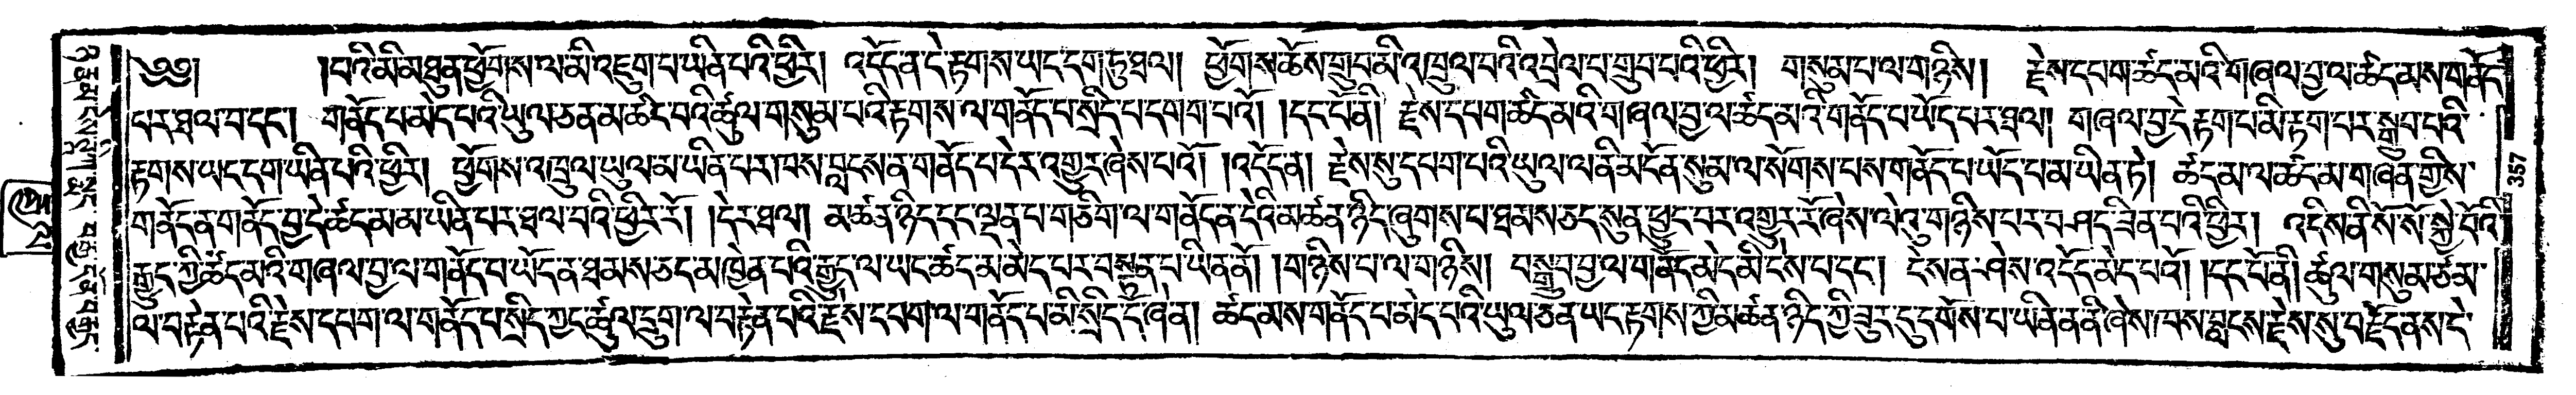༄༅། །པའི་མི་མཐུན་ཕྱོགས་ལ་མི་འཇུག་པ་ཡིན་པའི་ཕྱིར། འདོད་ན་དེ་རྟགས་ཡང་དག་ཏུ་ཐལ། ཕྱོགས་ཆོས་གྲུབ་མི་འཁྲུལ་བའི་འབྲེལ་པ་གྲུབ་པའི་ཕྱིར། གསུམ་པ་ལ་གཉིས། རྗེས་དཔག་ཚད་མའི་གཞལ་བྱ་ལ་ཚད་མས་གནོད་
པར་ཐལ་བ་དང་། གནོད་པ་མེད་པའི་ཡུལ་ཅན་མ་ཚད་བའི་ཚུལ་གསུམ་པའི་རྟགས་ལ་གནོད་པ་སྲིད་པ་དགག་པའོ། །དང་པོ་ནི། རྗེས་དཔག་ཚད་མའི་གཞལ་བྱ་ལ་ཚད་མའི་གནོད་པ་ཡོད་པར་ཐལ། གཞལ་བྱ་དེ་རྟག་པ་མི་རྟག་པར་སྒྲུབ་པའི་
རྟགས་ཡང་དག་ཡིན་པའི་ཕྱིར། ཕྱོགས་འཁྲུལ་ཡུལ་མ་ཡིན་པར་ཁས་བླངས་ན་གནོད་པ་དེར་འགྱུར་ཞེས་པའོ། །འདོད་ན། རྗེས་སུ་དཔག་པའི་ཡུལ་ལ་ནི་མངོན་སུམ་ལ་སོགས་པས་གནོད་པ་ཡོད་པ་མ་ཡིན་ཏེ། ཚད་མ་ལ་ཚད་མ་གཞན་གྱིས་
གནོད་ན་གནོད་བྱ་དེ་ཚད་མ་མ་ཡིན་པར་ཐལ་བའི་ཕྱིར་རོ། །དེར་ཐལ། མཚན་ཉིད་དང་ལྡན་པ་གཅིག་ལ་གནོད་ན་དེའི་མཚན་ཉིད་ཞུགས་པ་ཐམས་ཅད་སུན་ཕྱུང་བར་འགྱུར་རོ་ཞེས་ལེའུ་གཉིས་པར་བཤད་ཟིན་པའི་ཕྱིར། འདིས་ནི་སོ་སོ་སྐྱེ་བོའི་
རྒྱུད་ཀྱི་ཚད་མའི་གཞལ་བྱ་ལ་གནོད་པ་ཡོད་ན་ཐམས་ཅད་མཁྱེན་པའི་རྒྱུད་ལ་ཡང་ཚད་མ་མེད་པར་བསྟན་པ་ཡིན་ནོ། །གཉིས་པ་ལ་གཉིས། བསྒྲུབ་བྱ་ལ་གནོད་མེད་མི་ངེས་པ་དང་། ངེས་ན་ཤེས་འདོད་མེད་པའོ། །དང་པོ་ནི། ཚུལ་གསུམ་ཙམ་
ལ་བརྟེན་པའི་རྗེས་དཔག་ལ་གནོད་པ་སྲིད་ཀྱང་ཚུལ་དྲུག་ལ་བརྟེན་པའི་རྗེས་དཔག་ལ་གནོད་པ་མི་སྲིད་དོ་ཞེ་ན། ཚད་མས་གནོད་པ་མེད་པའི་ཡུལ་ཅན་ཡང་རྟགས་ཀྱི་མཚན་ཉིད་ཀྱི་ཟུར་དུ་དགོས་པ་ཡིན་ན་ནི་ཞེས་ཁས་བླངས་རྗེས་སུ་བརྗོད་ནས་དེ་